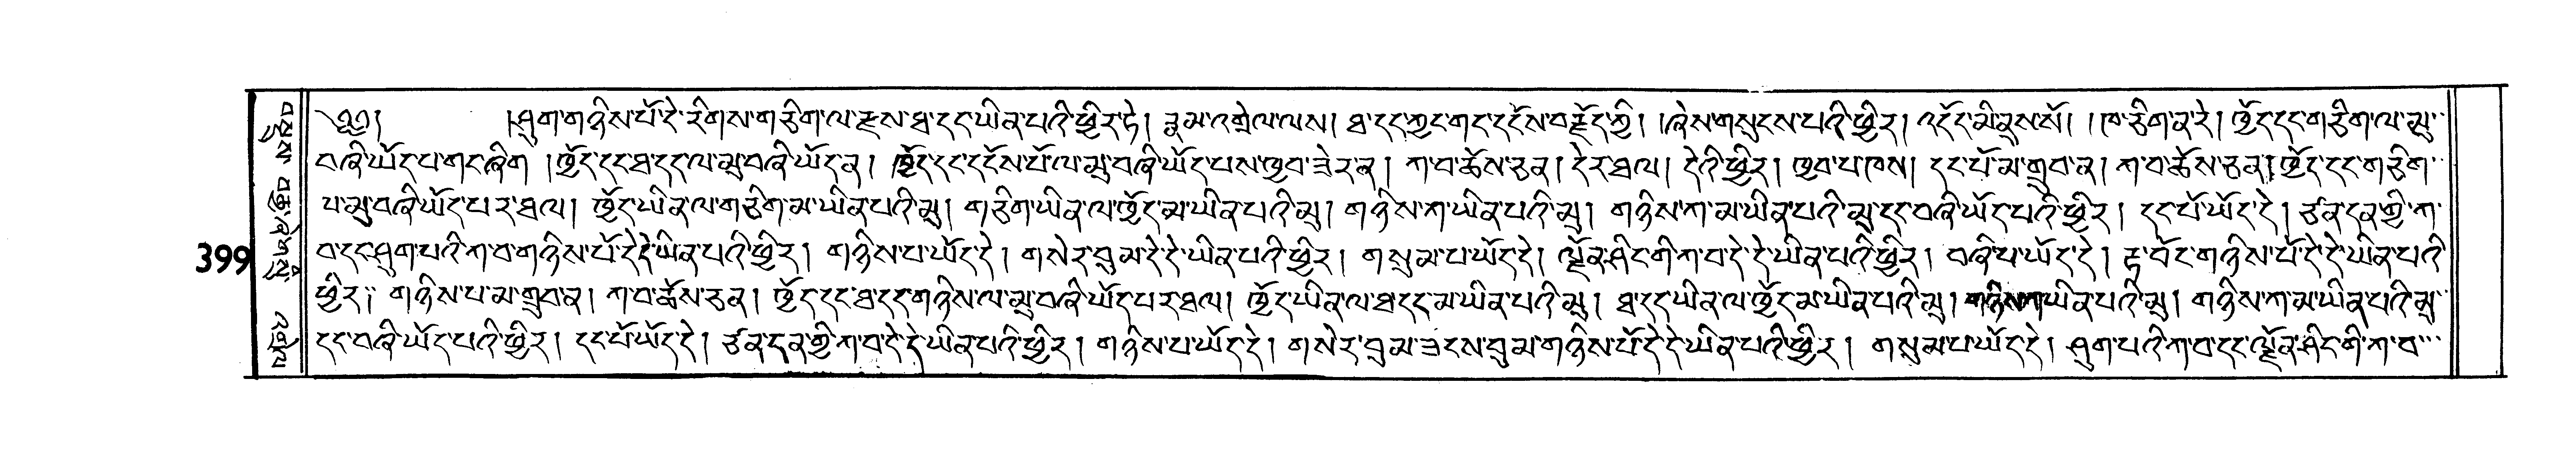༄༅། །ཤུག་གཉིས་པོ་དེ་རིགས་གཅིག་ལ་རྫས་ཐ་དད་ཡིན་པའི་ཕྱིར་ཏེ། རྣམ་འགྲེལ་ལས། ཐ་དད་ཀྱང་གང་དངོས་བརྗོད་ཀྱི། །ཞེས་གསུངས་པའི་ཕྱིར། འདོད་མི་ནུས་སོ། །ཁ་ཅིག་ན་རེ། ཁྱོད་རང་གཅིག་ལ་མུ་
བཞི་ཡོད་པ་གང་ཞིག །ཁྱོད་དང་ཐ་དད་ལ་མུ་བཞི་ཡོད་ན། ཁྱོད་དང་དངོས་པོ་ལ་མུ་བཞི་ཡོད་པས་ཁྱབ་ཟེར་ན། ཀ་བ་ཆོས་ཅན། དེར་ཐལ། དེའི་ཕྱིར། ཁྱབ་པ་ཁས། དང་པོ་མ་གྲུབ་ན། ཀ་བ་ཆོས་ཅན། ཁྱོད་དང་གཅིག་
པ་མུ་བཞི་ཡོད་པར་ཐལ། །ཁྱོད་ཡིན་ལ་གཅིག་མ་ཡིན་པའི་མུ། གཅིག་ཡིན་ལ་ཁྱོད་ལ་ཡིན་པའི་མུ། གཉིས་ཀྱིན་པའི་མུ། གཉིས་ཀ་མ་ཡིན་པའི་མུ་དང་བཞི་ཡོད་པའི་ཕྱིར། དང་པོ་ཡོང་དེ། ཙན་དན་གྱི་ཀ་
བ་དང་ཤུག་པའི་ཀ་བ་གཉིས་པོ་དེ་དེ་ཡིན་པའི་ཕྱིར། གཉིས་པ་ཡོད་དེ། གསེར་བུམ་དེ་དེ་ཡིན་པའི་ཕྱིར། གསུམ་པ་ཡོད་དེ། ལྗོན་ཤིང་གི་ཀ་བ་དེ་དེ་ཡིན་པའི་ཕྱིར། བཞི་སྤྱོད་དེ། རྟ་བོང་གཉིས་པོ་དེ་དེ་ཡིན་པའི་
ཕྱིར༑ གཉིས་པ་མ་གྲུབ་ན། ཀ་བ་ཆོས་ཅན། ཁྱོད་དང་ཐ་དད་གཉིས་ལ་མུ་བཞི་ཡོད་པར་ཐལ། ཁྱོད་ཡིན་ལ་ཐ་དད་མ་ཡིན་པའི་མུ། ཐ་དད་ཡིན་ལ་ཁྱོད་མ་ཡིན་པའི་མུ། གཉིས་ཀ་ཡིན་པའི་མུ། གཉིས་ཀ་མ་ཡིན་པའི་མུ་
དང་བཞི་ཡོད་པའི་ཕྱིར། དང་པོ་ཡོད་དེ། ཙན་དན་གྱི་ཀ་བ་དེ་དེ་ཡིན་པའི་ཕྱིར། གཉིས་པ་ཡོད་དེ། གསེར་བུམ་ཟངས་བུམ་གཉིས་པོ་དེ་དེ་ཡིན་པའི་ཕྱིར། གསུམ་པ་ཡོད་དེ། ཤུག་པའི་ཀ་བ་ཀ་ལྗོན་ཤིང་གི་ཀ་བ་